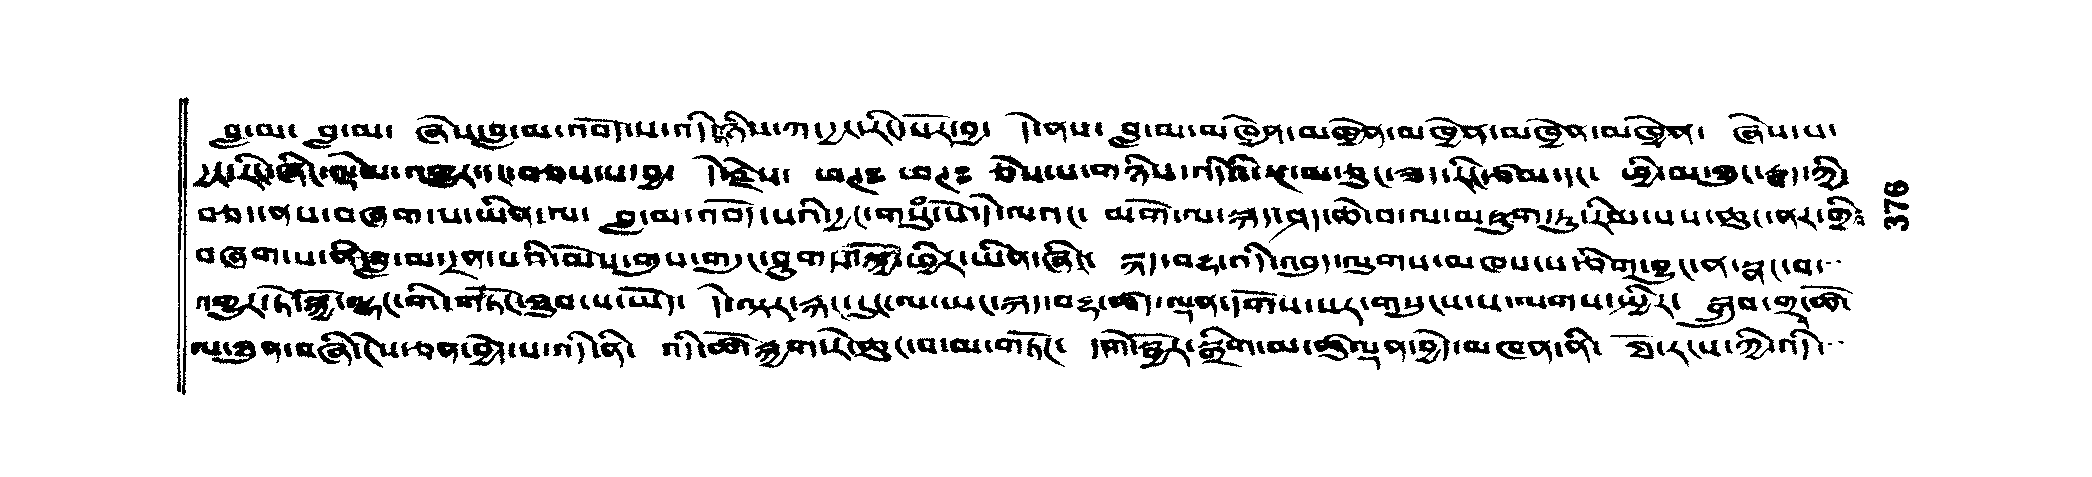བླ་མ། བླ་མ། ཞེས་བླ་མ་འབོད་པ་འདི་གཉིས་ཀ་རྒྱང་རིང་པོར་བྱ། དེ་ནས། བླ་མ་མཁྱེན་མཁྱེན་མཁྱེན་མཁྱེན་མཁྱེན། ཞེས་པ་
རྒྱང་རིང་ཞིང་ལྡེམ་འགྱུར་དང་བཅས་པ་བྱ། དེ་རྗེས། ཕཊཿ ཕཊཿ ཅེས་པ་གཉིས་འདིའི་སྔ་མ་ཅུང་ཟད་རིང་ཙམ་དང་། ཕྱི་མ་མཐུང་རྦད་ཀྱི་
བཅད་ནས་བཞག་པ་ཡིན་ལ། བླ་མ་འབོད་པའི་རྒྱང་གསུམ་པོ་དེ་ལག མགོ་ལ་སྐད་ཤག་ཆེ་བ་ལ་མཇུག་ཏུ་རིམ་པས་ཆུང་ནར་གྱི་
བཞག་པ་ནི་བླ་མ་དྲན་པའི་མོས་གུས་གདུང་ཤུགས་སྐྱོ་ཕྱིར་ཡིན་ཞིང་། སྐད་བརྡ་འདི་འབུད་ལུགས་མཁས་པ་ཅིག་བྱུང་ན་སྣང་བ་
འགྱུར་ཏེ་སྐྱོ་ལྷང་གི་གཏོང་ཐུབ་པ་ཡོད། དེ་ལྟར་རྐང་དུང་ལ་ཡང་སྐད་བརྡ་ཚད་ལྡན་དགོས་པར་གསུངས་པ་ལགས་སྤྱིར། སྒྲུབ་གྲྭ་ཚོ་
ལ་ཐུན་བཞི་ངེས་ཅན་བྱེད་པ་འདི་ནི། འདི་ཚོ་རྐྱག་རེ་ཆུང་བ་མ་གཏོགས། དགེ་སྦྱོར་སྒྲིག་མ་ཚུལ་ལྡན་བྱེད་མཁན་ནི། ཐོ་རངས་ཀྱི་འདི་